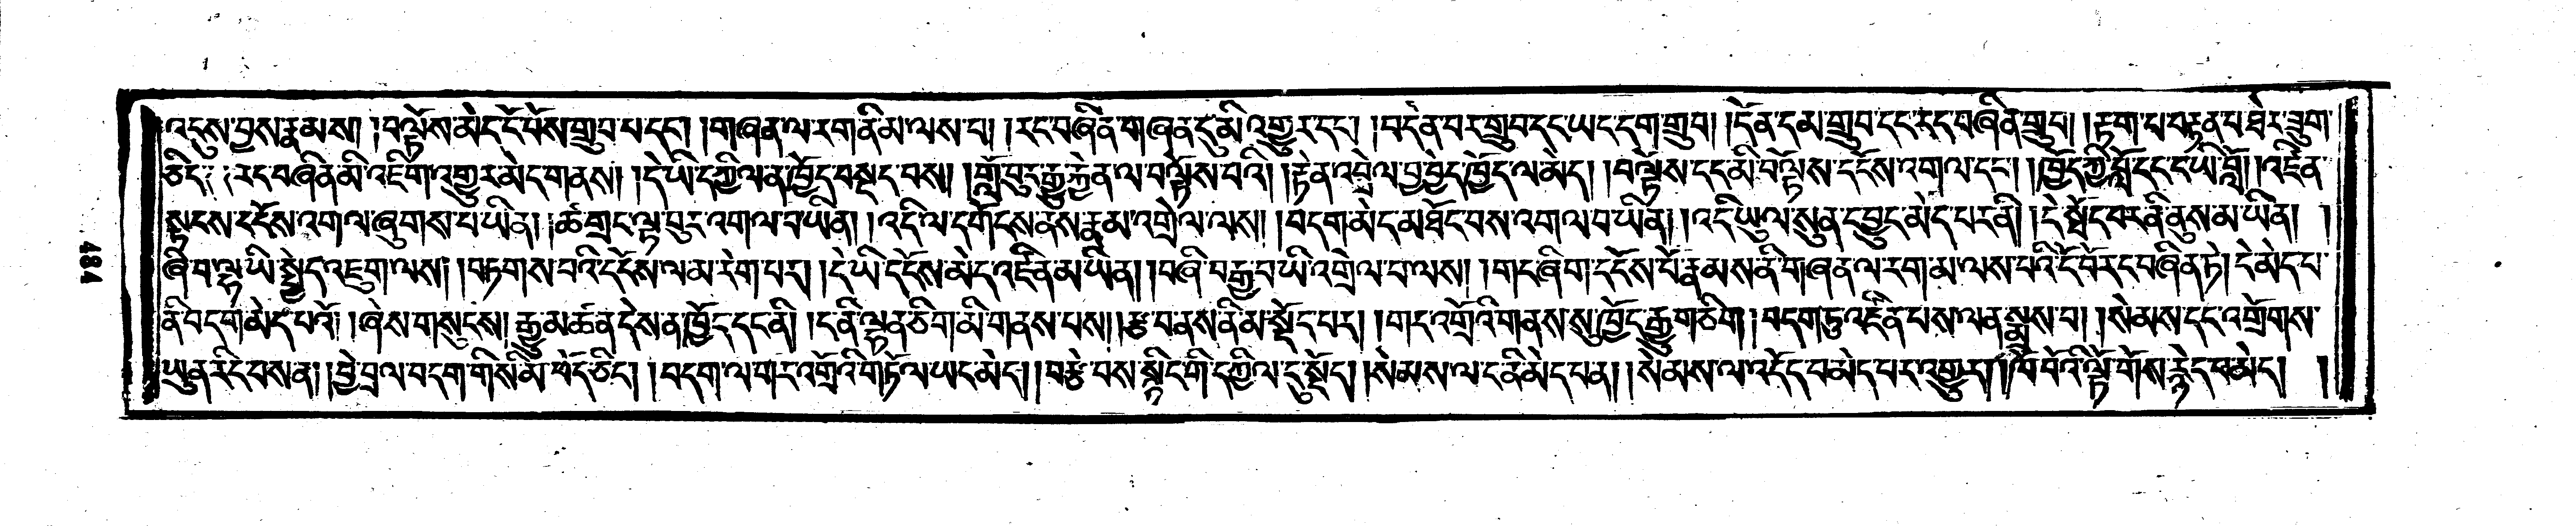འདུས་བྱས་རྣམས། །བལྟོས་མེད་ངོ་བོས་གྲུབ་པ་དང་། །གཞན་ལ་རག་ནི་མ་ལས་པ། །རང་བཞིན་གཞན་དུ་མི་འགྱུར་དང་། །བདེན་པར་གྲུབ་དང་ཡང་དག་གྲུབ། །དོན་དམ་གྲུབ་དང་རང་བཞིན་གྲུབ། །རྟག་པ་བརྟན་པ་ཐེར་ཟུག་
ཅིང༑ ༑རང་བཞིན་མི་འཇིག་འགྱུར་མེད་གནས། །དེ་ཡི་དཀྱིལ་ན་ཁྱོད་བསྡད་པས། །གློ་བུར་རྒྱུ་རྐྱེན་ལ་བལྟོས་པའི། །རྟེན་འབྲེལ་བྱ་བྱེད་ཁྱོད་ལ་མེད། །བལྟོས་དང་མི་བལྟོས་དངོས་འགལ་དང་། །ཁྱོད་ཀྱི་བློ་དང་ང་ཡི་བློ། །འཛིན་
སྟངས་དངོས་འགལ་ཞུགས་པ་ཡིན། །ཚ་གྲང་ལྟ་བུར་འགལ་བ་ཡིན། །འདི་ལ་དགོངས་ནས་རྣམ་འགྲེལ་ལས། །བདག་མེད་མཐོང་བས་འགལ་བ་ཡིན། །འདི་ཡུལ་སུན་དབྱུང་མེད་པར་ནི། །དེ་སྤོང་བར་ནི་ནུས་མ་ཡིན། །
ཞི་བ་ལྷ་ཡི་སྤྱོད་འཇུག་ལས། །བཏགས་པའི་དངོས་ལ་མ་རེག་པར། །དེ་ཡི་དངོས་མེད་འཛིན་མ་ཡིན། །བཞི་བརྒྱ་པ་ཡི་འགྲེལ་པ་ལས། །གང་ཞིག་དངོས་པོ་རྣམས་ནི་གཞན་ལ་རང་མ་ལས་པའི་ངོ་བོ་རང་བཞིན་ཏེ། དེ་མེད་པ་
ནི་བདག་མེད་པའོ། །ཞེས་གསུངས། རྒྱུ་མཚན་དེས་ན་ཁྱོད་དང་ནི། །ང་ནི་ལྷན་ཅིག་མི་གནས་པས། །རྩ་བ་ནས་ནི་མ་སྡོད་པར། །གར་འགྲོའི་གནས་སུ་ཁྱོད་རྒྱུ་གཅིག །བདག་ཏུ་འཛིན་པས་ལན་སྨྲས་པ། །སེམས་དང་འགྲོགས་
ཡུན་རིང་བས་ན། །བྱེད་བྲལ་བདག་གིས་མི་ཕོད་ཅིང་། །བདག་ལ་གར་འགྲོའི་གཏོལ་ཡང་མེད། །བརྩེ་བས་སྙིང་གི་དཀྱིལ་དུ་སྡོད། །སེམས་ལང་ནི་མེད་པ་ན། །སེམས་ལ་འདོད་པ་མེད་པར་འགྱུར། །ཁོ་བོའི་ལྟོ་གོས་རྙེད་པ་མེད། །